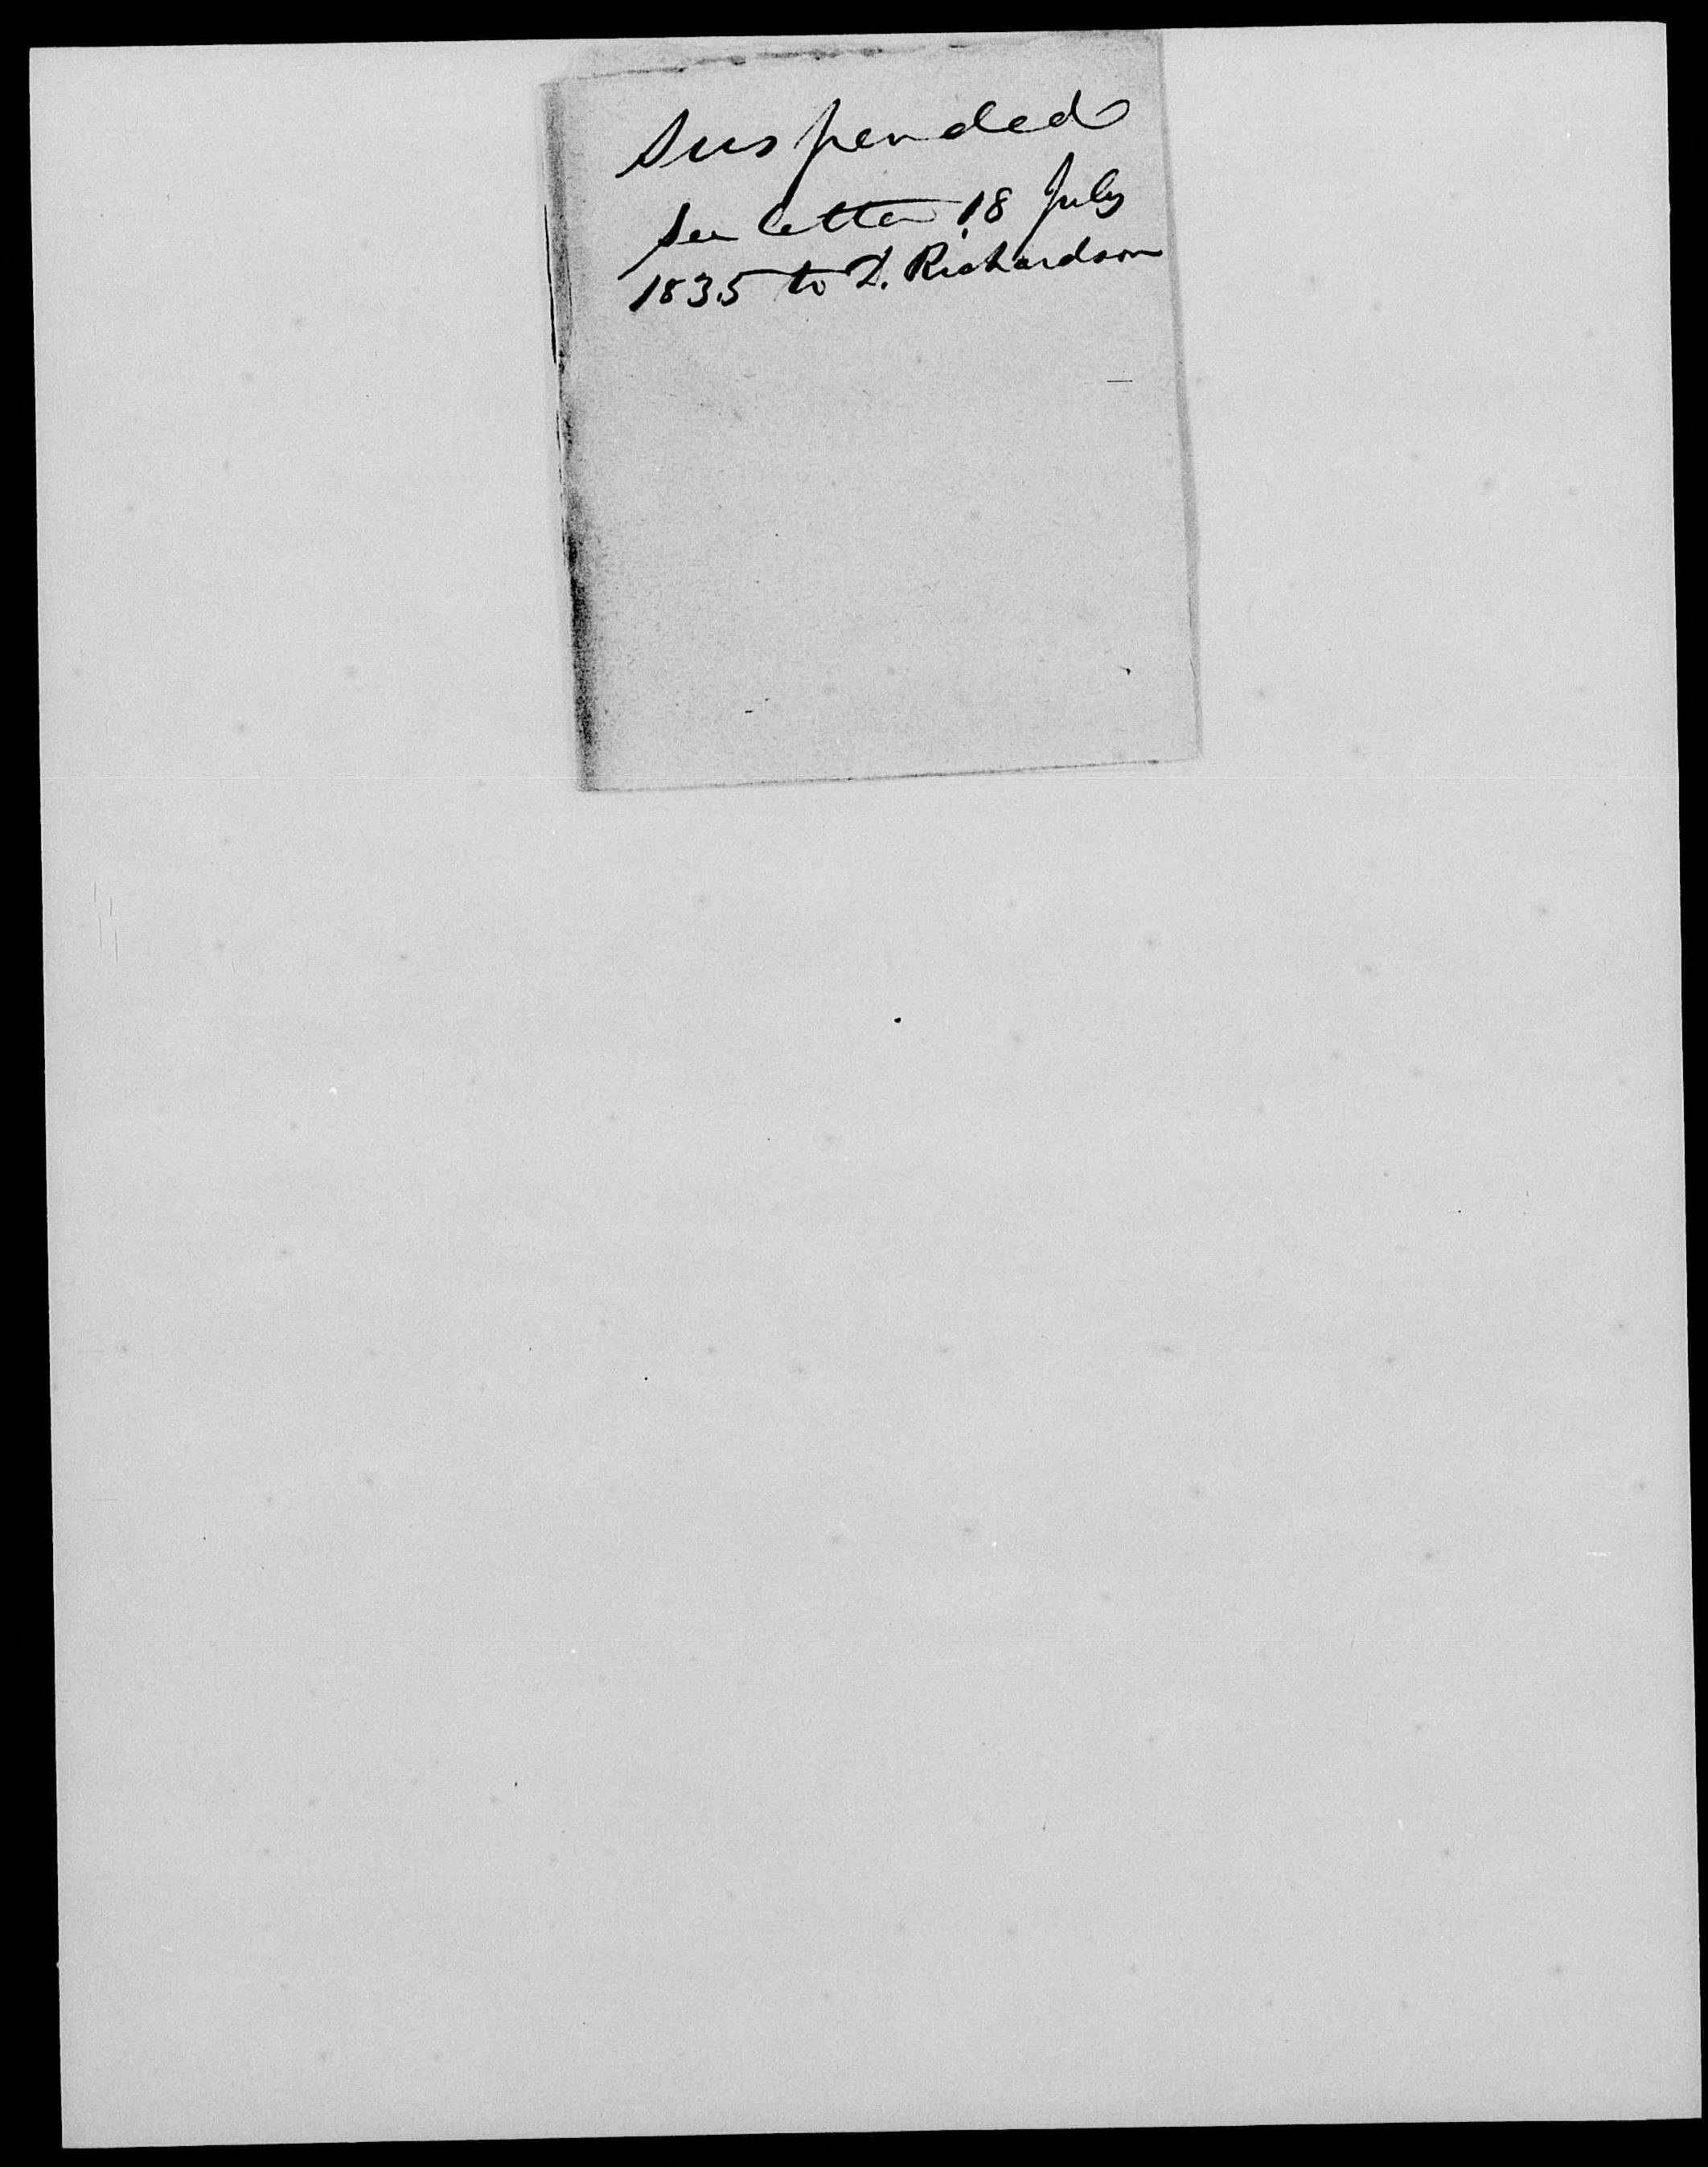(Handwritten document)

Suspended
See letter 18 July
1835 to D. Richardson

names: D Richardson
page: 19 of 37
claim: rejected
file: R. 6521, for Dickeson Lumpkin, Pennsylvania